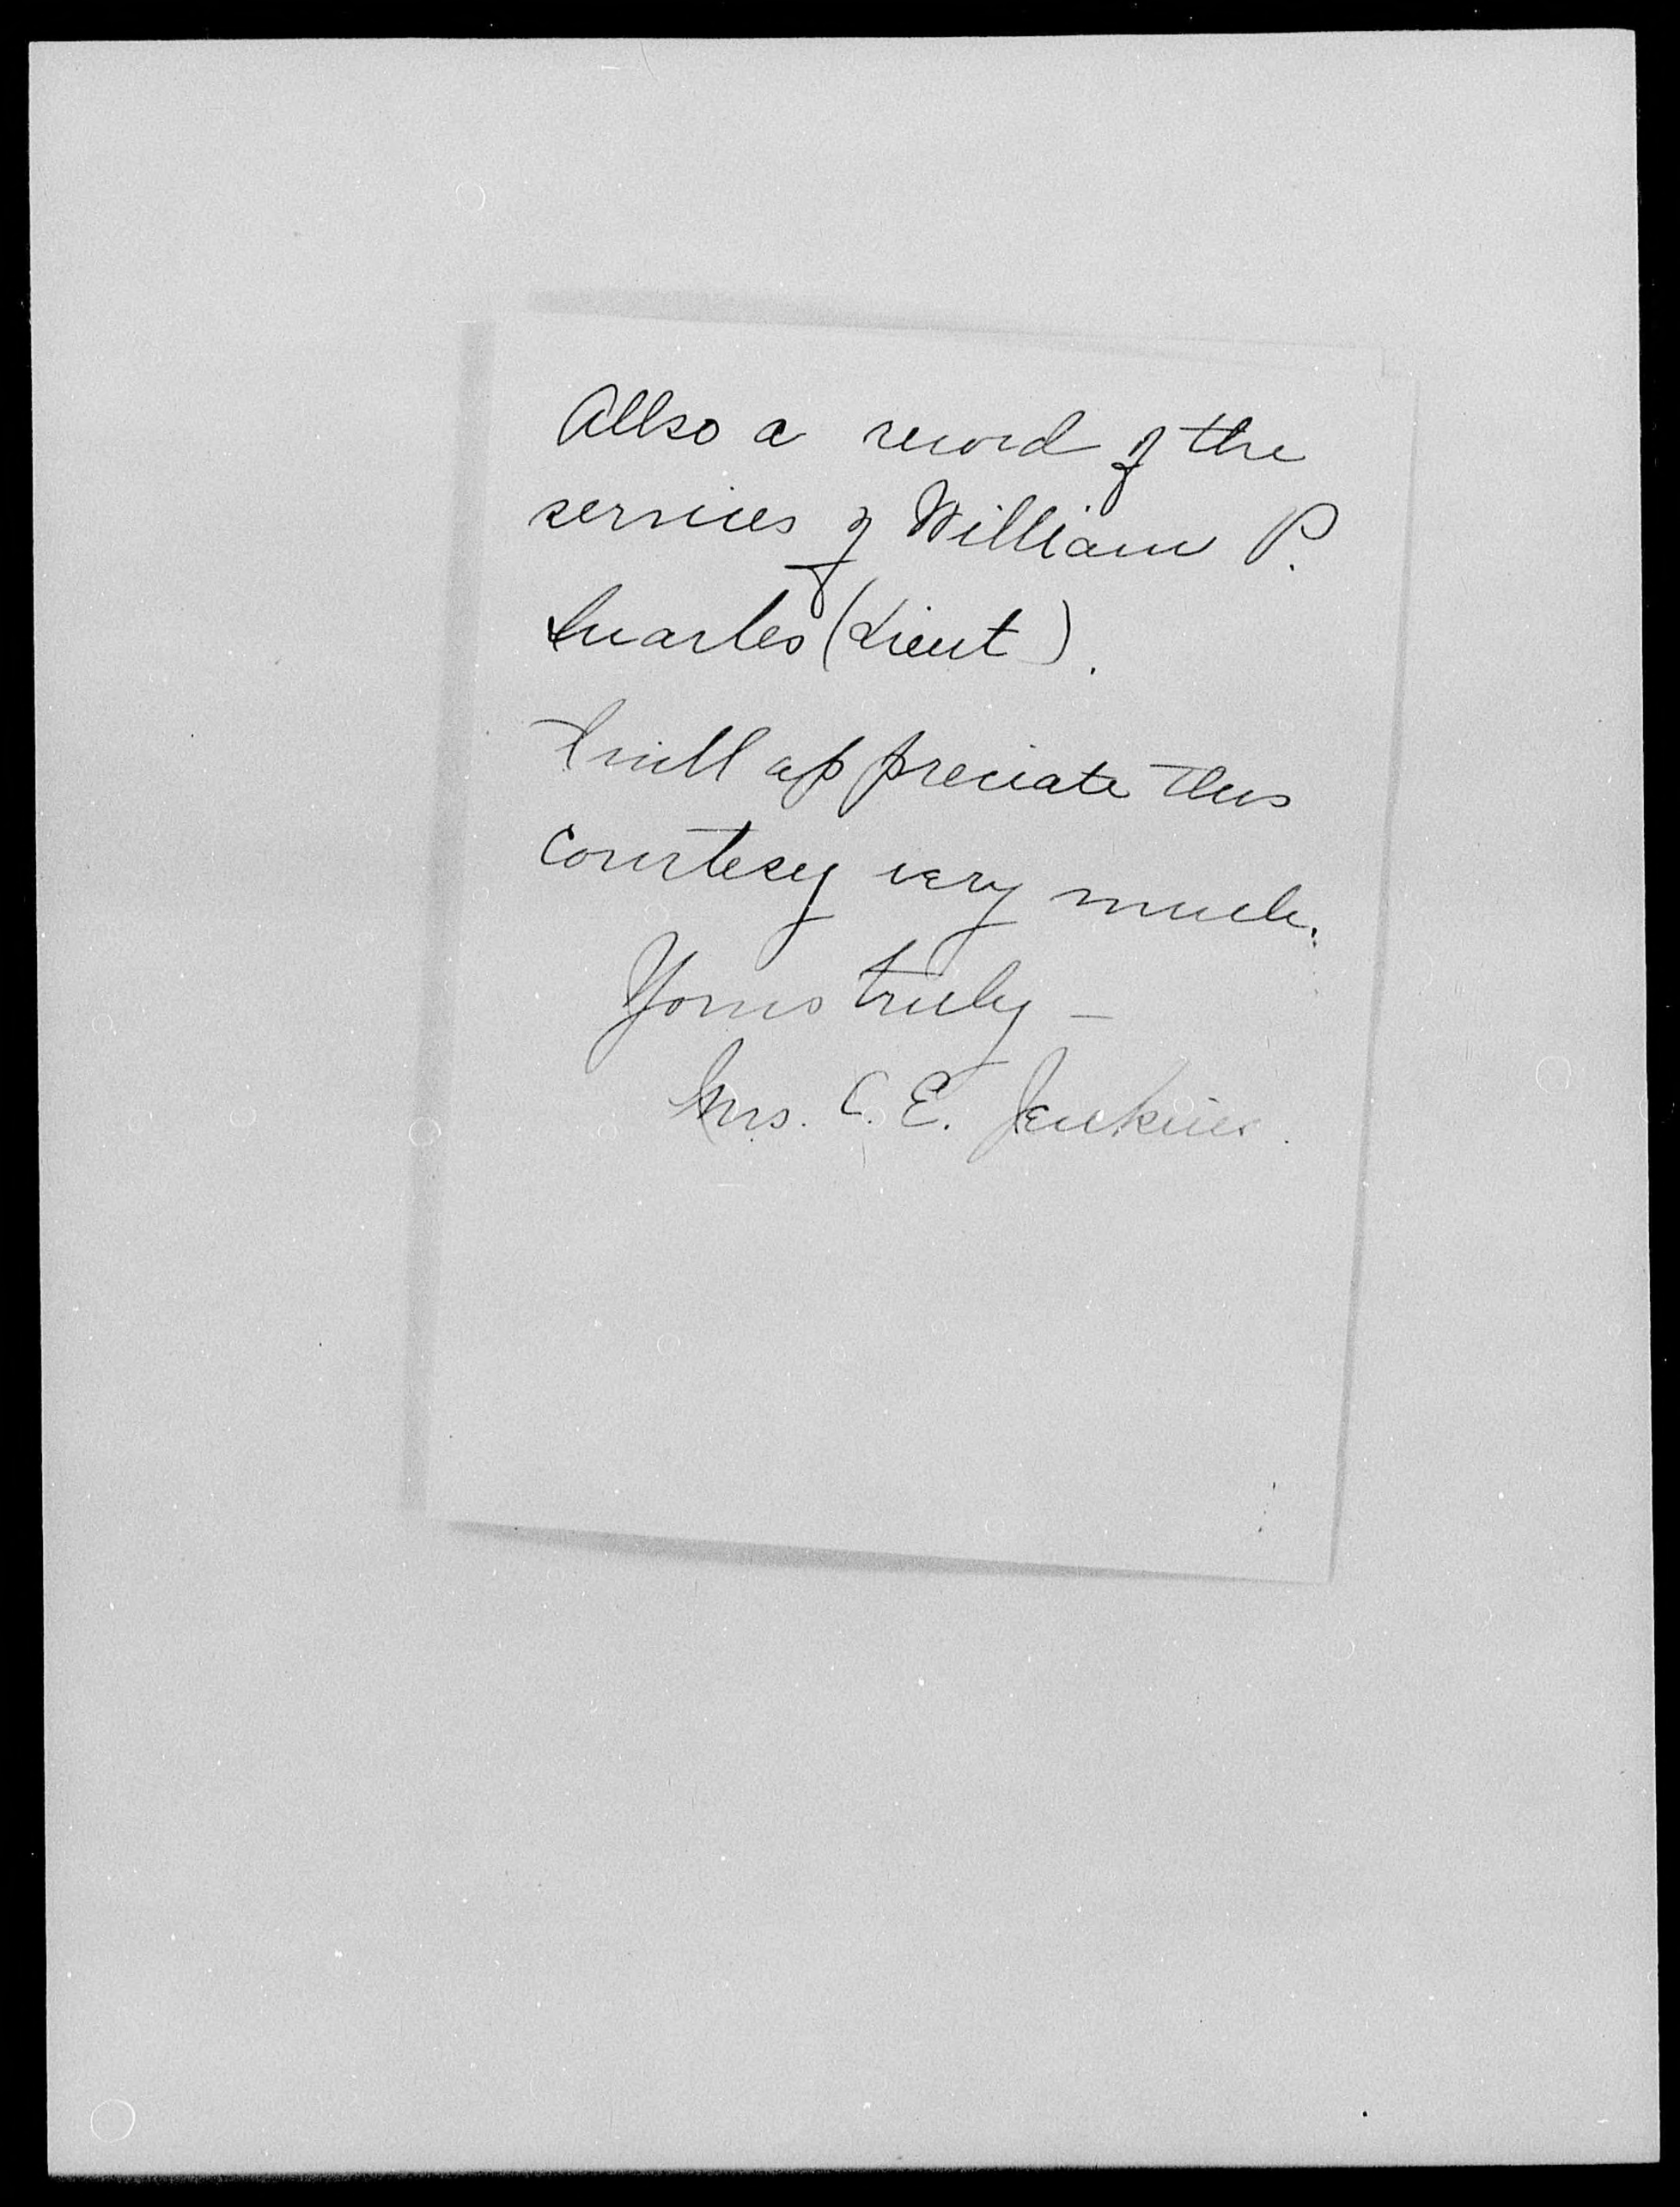Page 19

Allso [sp] a record of the services of William P.
Quarles (Lieut). I will appreciate this
courtesy very much.

Yours truly-
Mrs. C.E. Jenkins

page: 19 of 25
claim: survivor's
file: S 38116, for Henry Key, Virginia